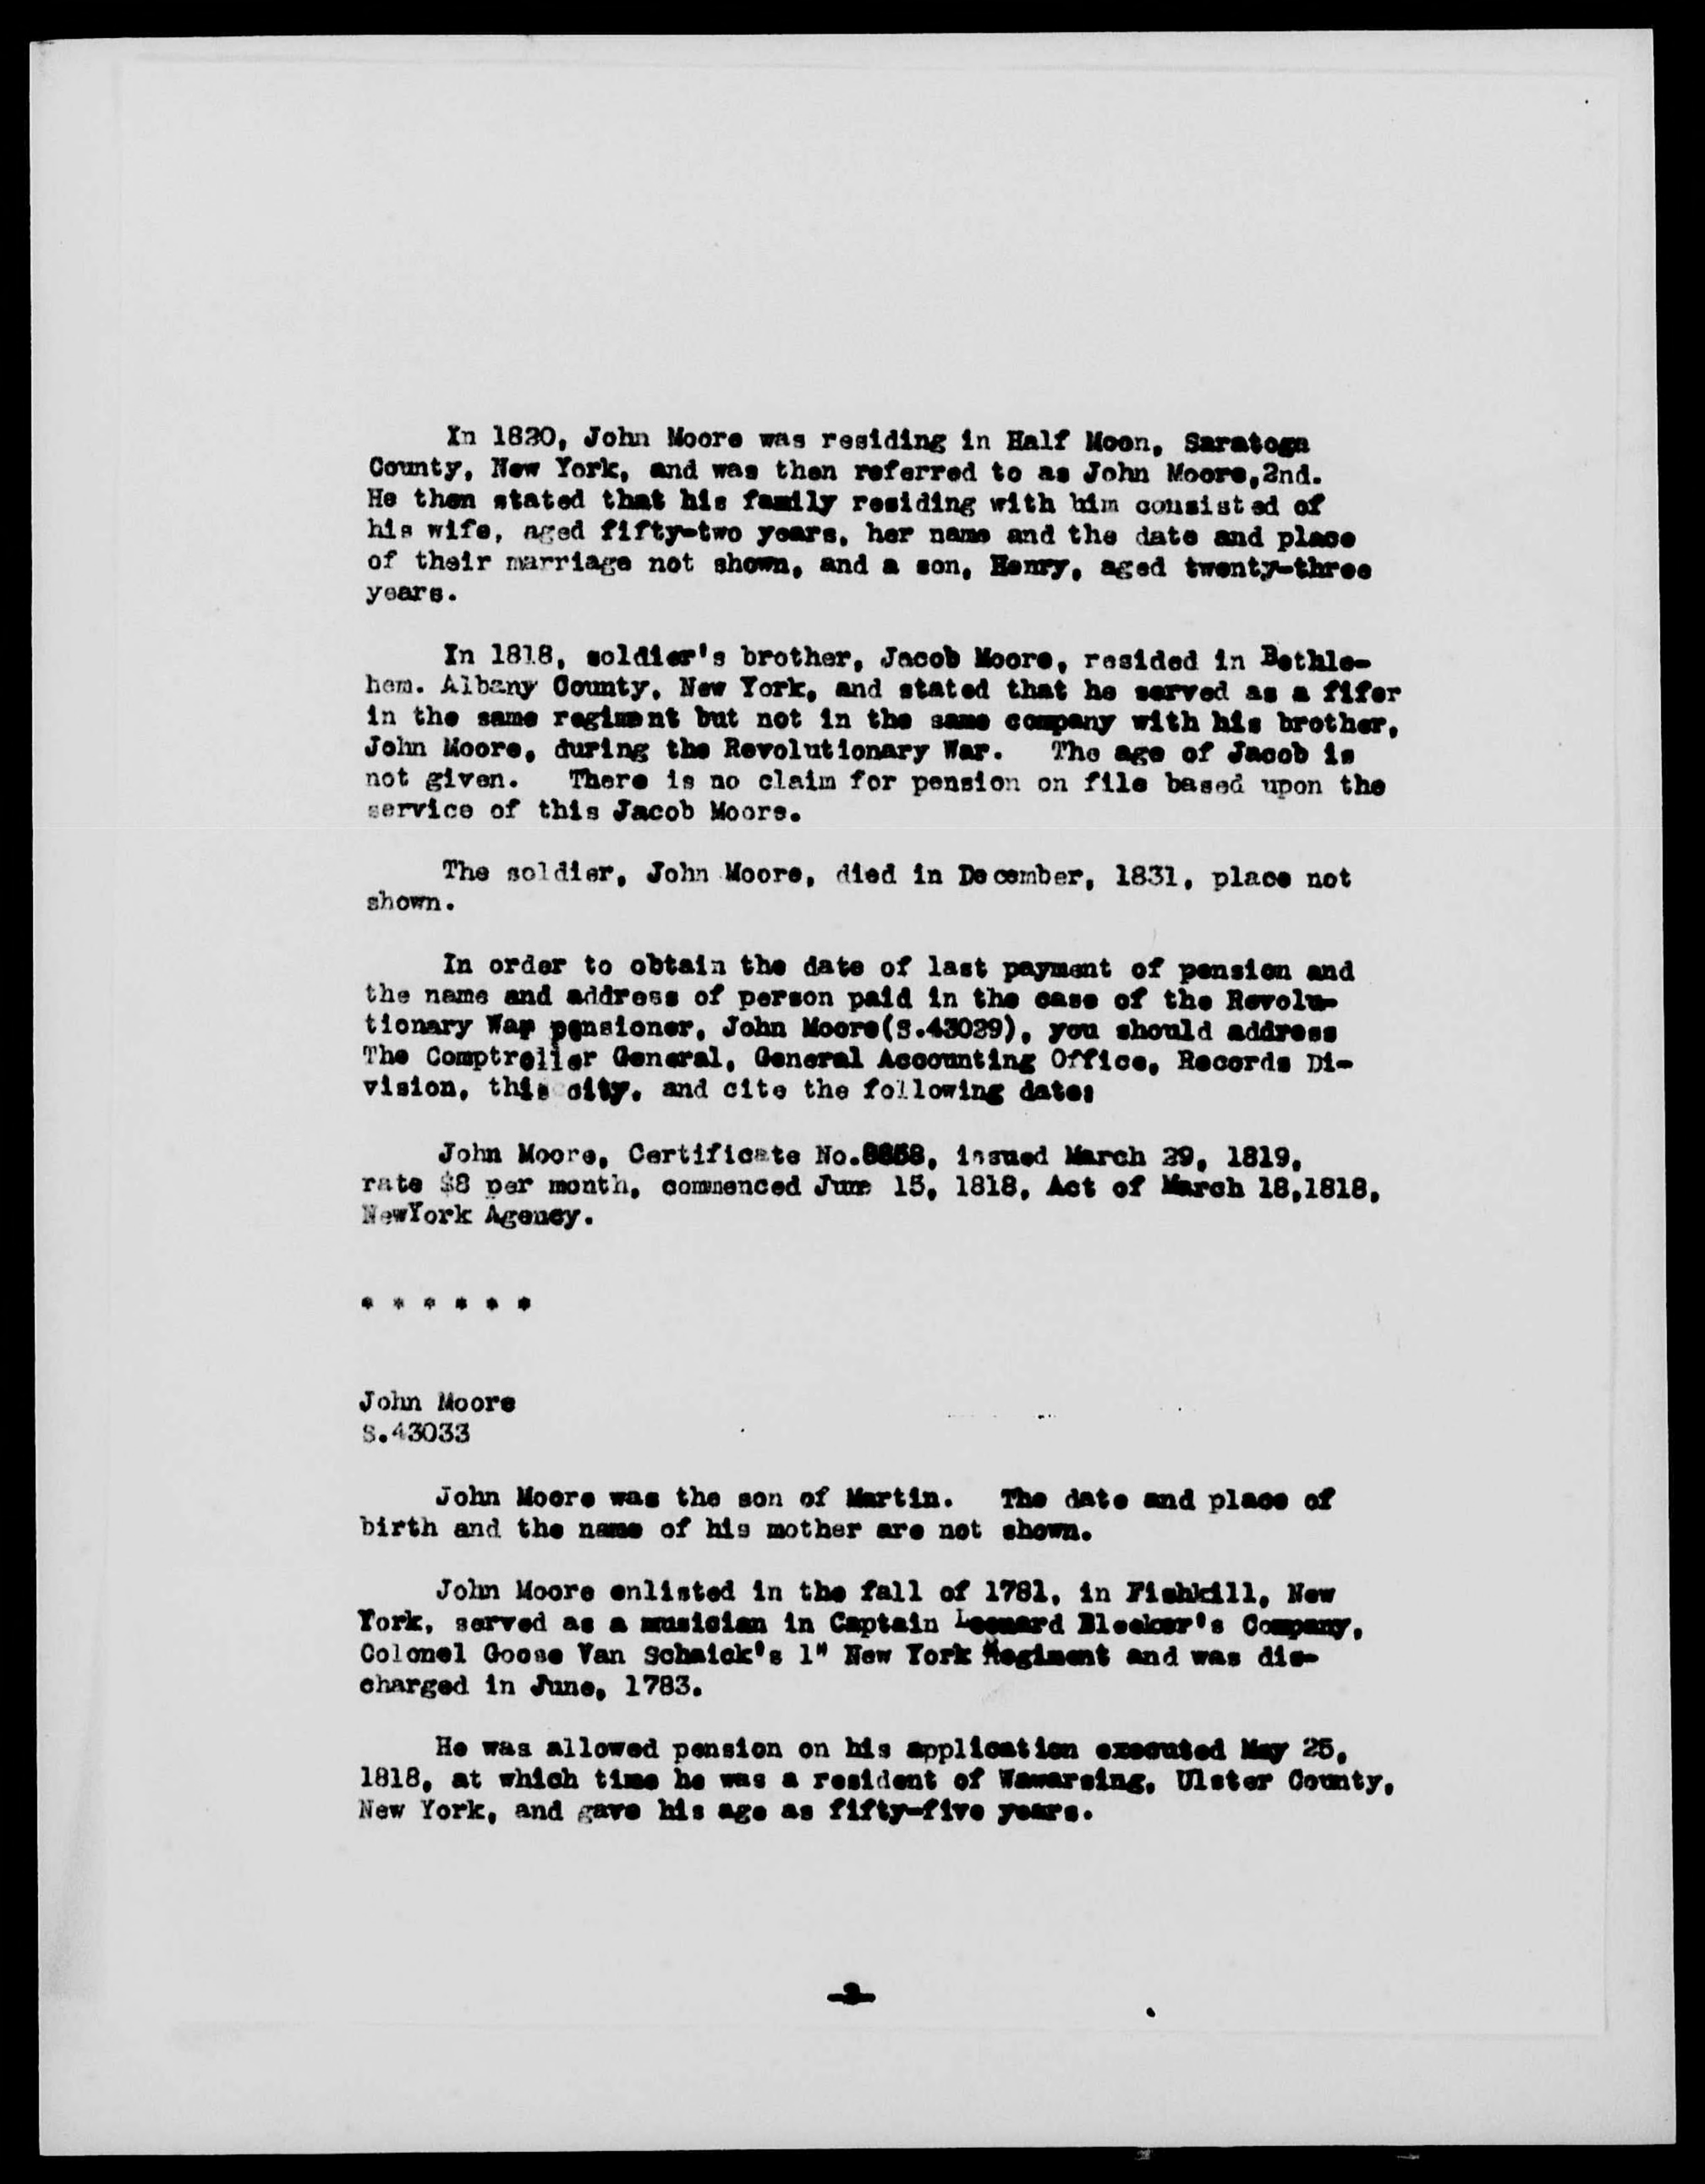In 1820, John Moore was residing in Half Moon, Saratoga County, New York, and was then referred to as John Moore, 2nd. He then stated that his family residing with him consisted of his wife, aged fifty-two years, her name and the date and place of their marriage not shown, and a son, Henry, aged twenty-three years. 
In 1818, soldier's brother, Jacob Moore, resided in Bethlehem, Albany County, New York, and stated that he served as a fifer in the same regiment but not in the same company with his brother, John Moore, during the Revolutionary War. The age of Jacob is not given. There is no claim for pension on file based upon the service of this Jacob Moore. 
The soldier, John Moore, died in December, 1831, place not shown.
In order to obtain the date of last payment of pension and the name and address of person paid in the case of the Revolutionary War pensioner, John Moore (S. 43029), you should address The Comptroller General, General Accounting Office, Records Division, this city, and cite the following data: 
John Moore, Certificate No. 8858, issued March 29, 1819, rate $8 per month, commenced June 15, 1818, Act of March 18, 1818, New York Agency. 
● ● ● ● 
John Moore 
S. 43033 
John Moore was the son of Martin. The date and place of birth and the name of his mother are not shown. 
John Moore enlisted in the fall of 1781, in Fishkill, New York, served as a musician in Captain Leonard Bleecker's Company, Colonel Goose Van Schaick's 1# New York Regiment and was discharged in June, 1783. 
He was allowed pension on his application executed May 25, 1818, at which time he was a resident of Wawarsing, Ulster County, New York, and gave his age as fifty-five years.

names: John Moore; Henry [BLANK]; Jacob Moore; Martin [BLANK]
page: 11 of 15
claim: survivor's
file: S. 43029, for John Moore, New York